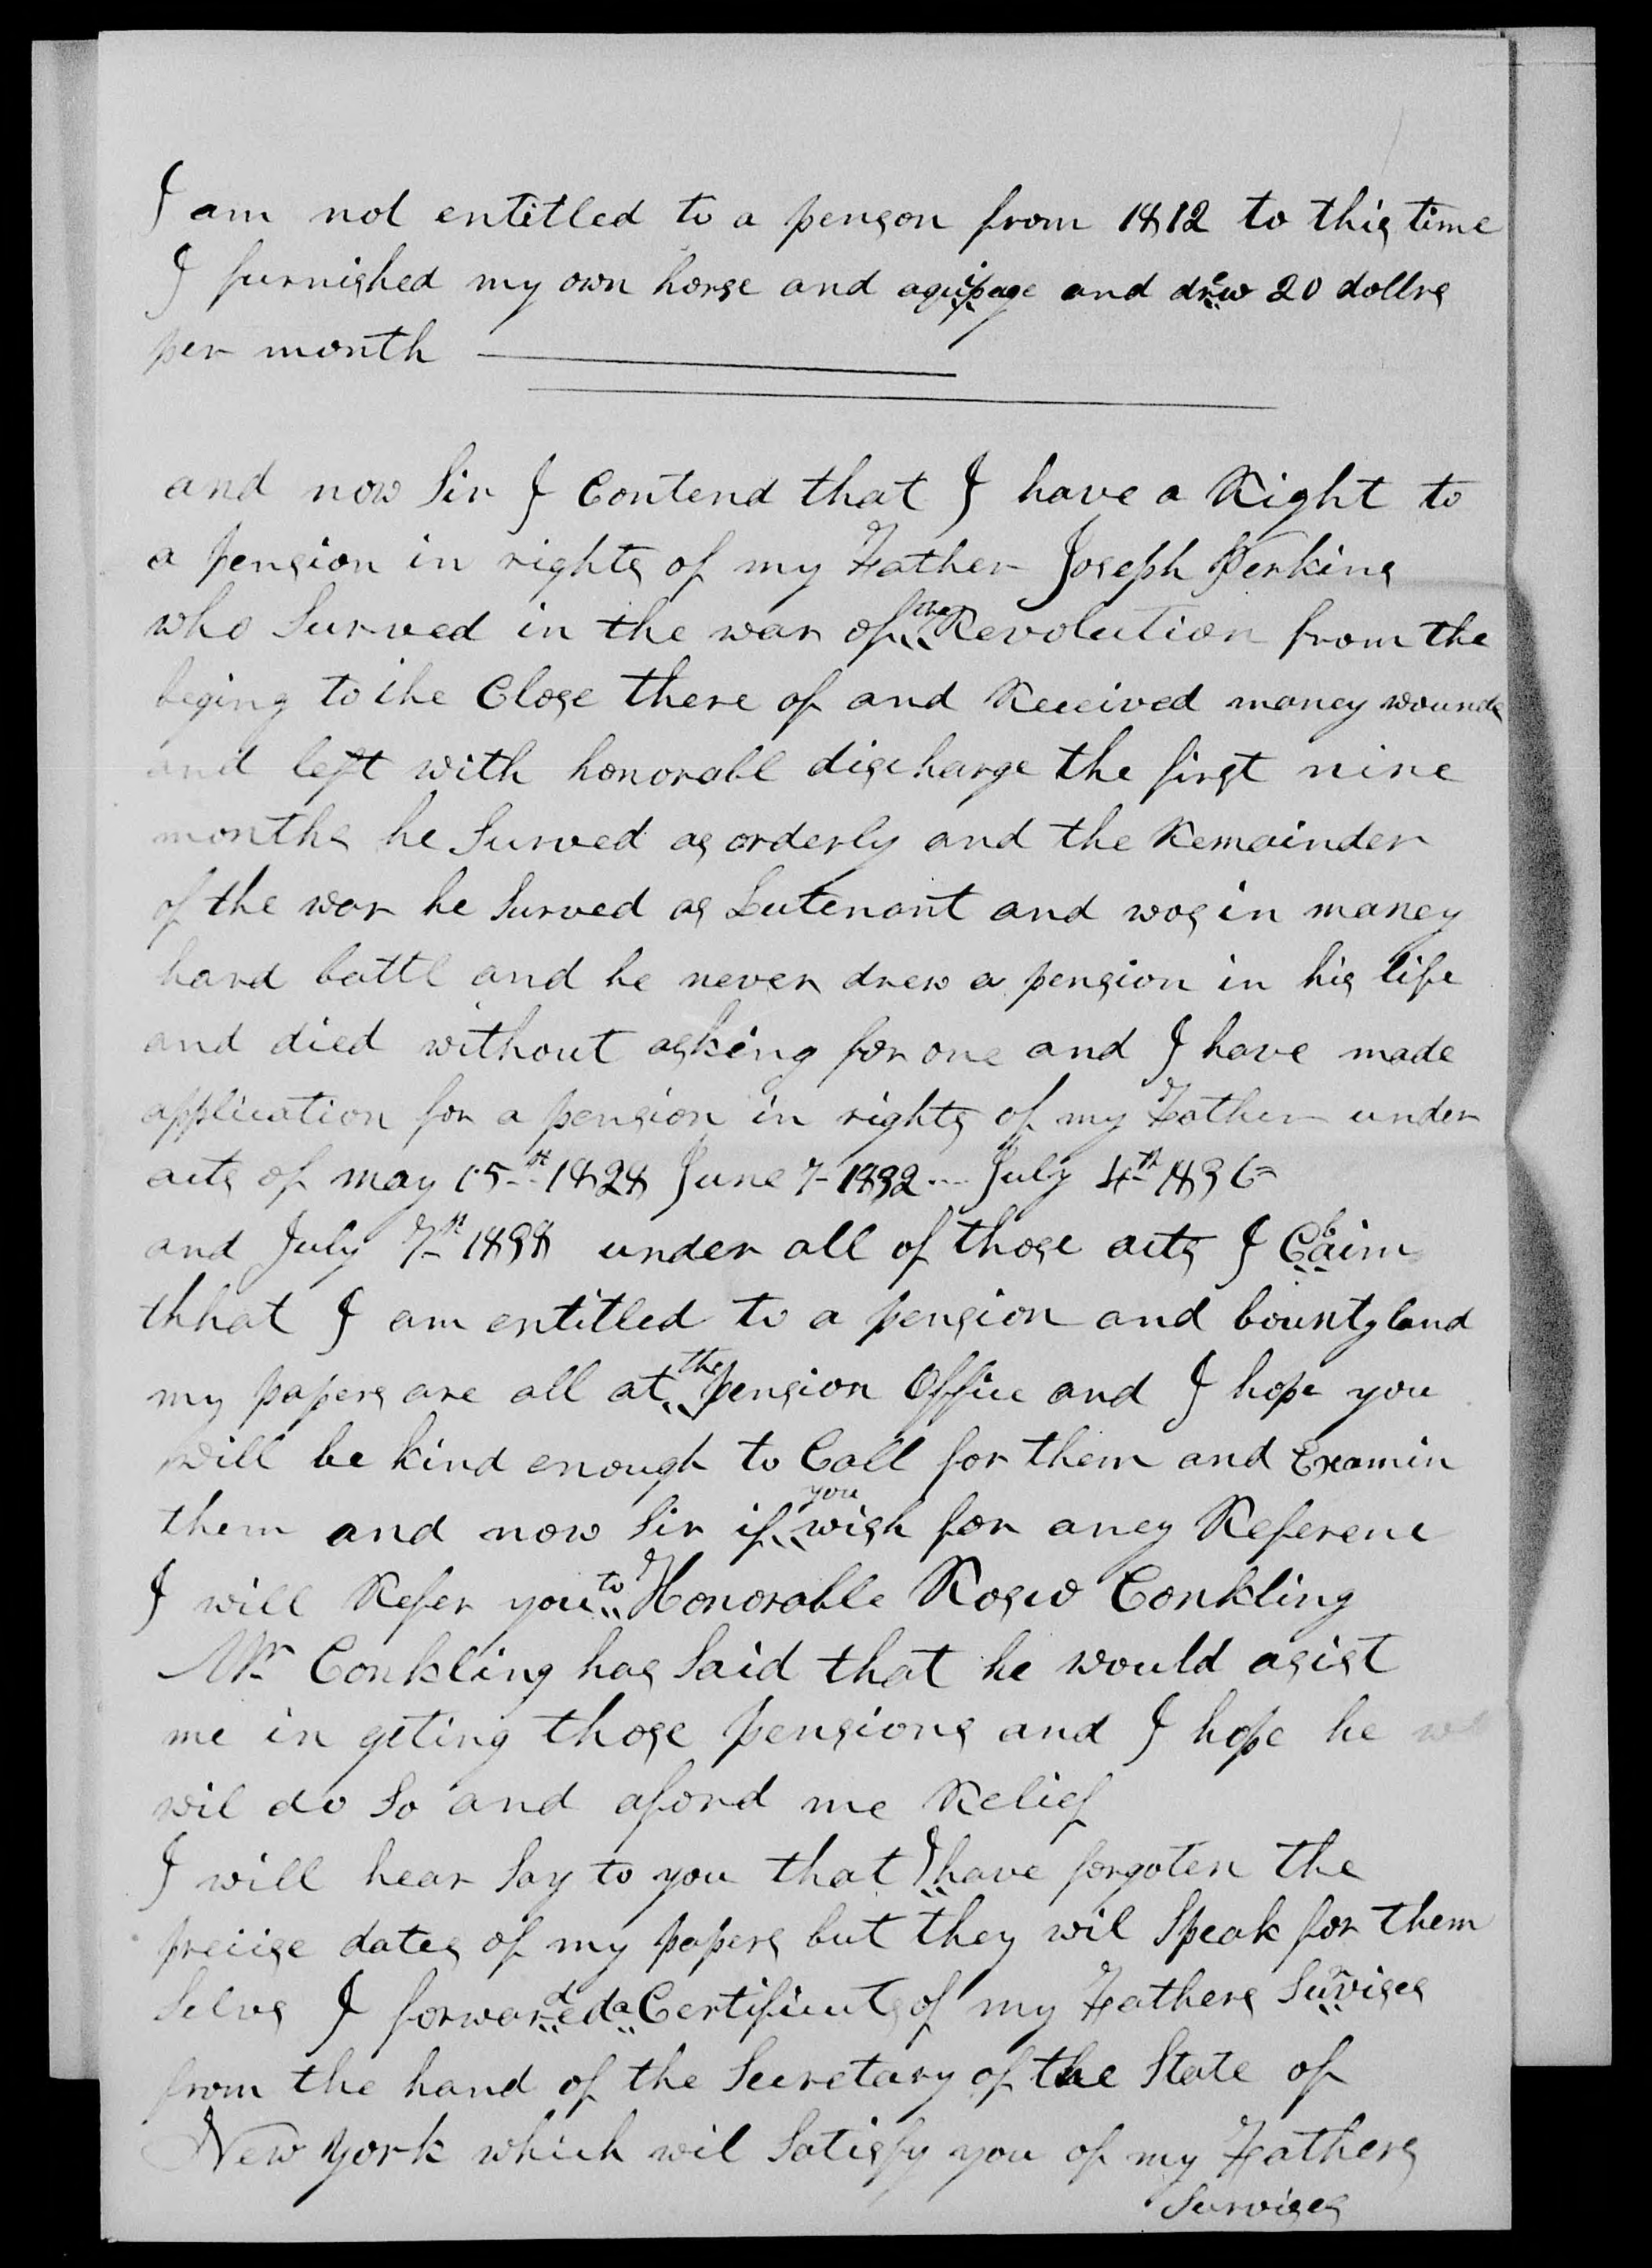I am not entitled to a penson from 1812 to this time I furnished my own horse and equipage and drew 20 dollars per month 
and now Sir I contend that I have a Right to a pension in rights of my Father Joseph Perkins who Surved in the war of the Revolution from the beging to the close there of and received maney wounds and left with honorable discharge the first nine months he Surved as orderly and the Remainder of the war he surved as Lutenant and was in maney hard battle and he never drew a pension in his life and died without asking for one and I have made application for a pension in rights of my Father under act of May 15th 1828 June 7 1832. July 4th 1836 and July 7th 1838 under all of those acts I Claim that I am entitled to a pension and bounty land my papers are all at the Pension Office and I hope you will be kind enough to call for them and Examin them and now Sir if youwish for aney Referenc I will Refer you to Honorable Roger Conkling Mr Conkling has said that he would asist me in geting those pensions and I hope he wil do so and aford me relief 
I will hear say to you that I have forgoten the precise dates of my papers but they wil speak for them Selvs I forwarded a Certificate of my Father Survises from the hand of the Secretary of the State of New York which will satisfy you of my Fathers Survises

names: Joseph Perkins; Roger Conkling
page: 19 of 44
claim: rejected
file: R. 17,033, for Joseph Perkins, New York